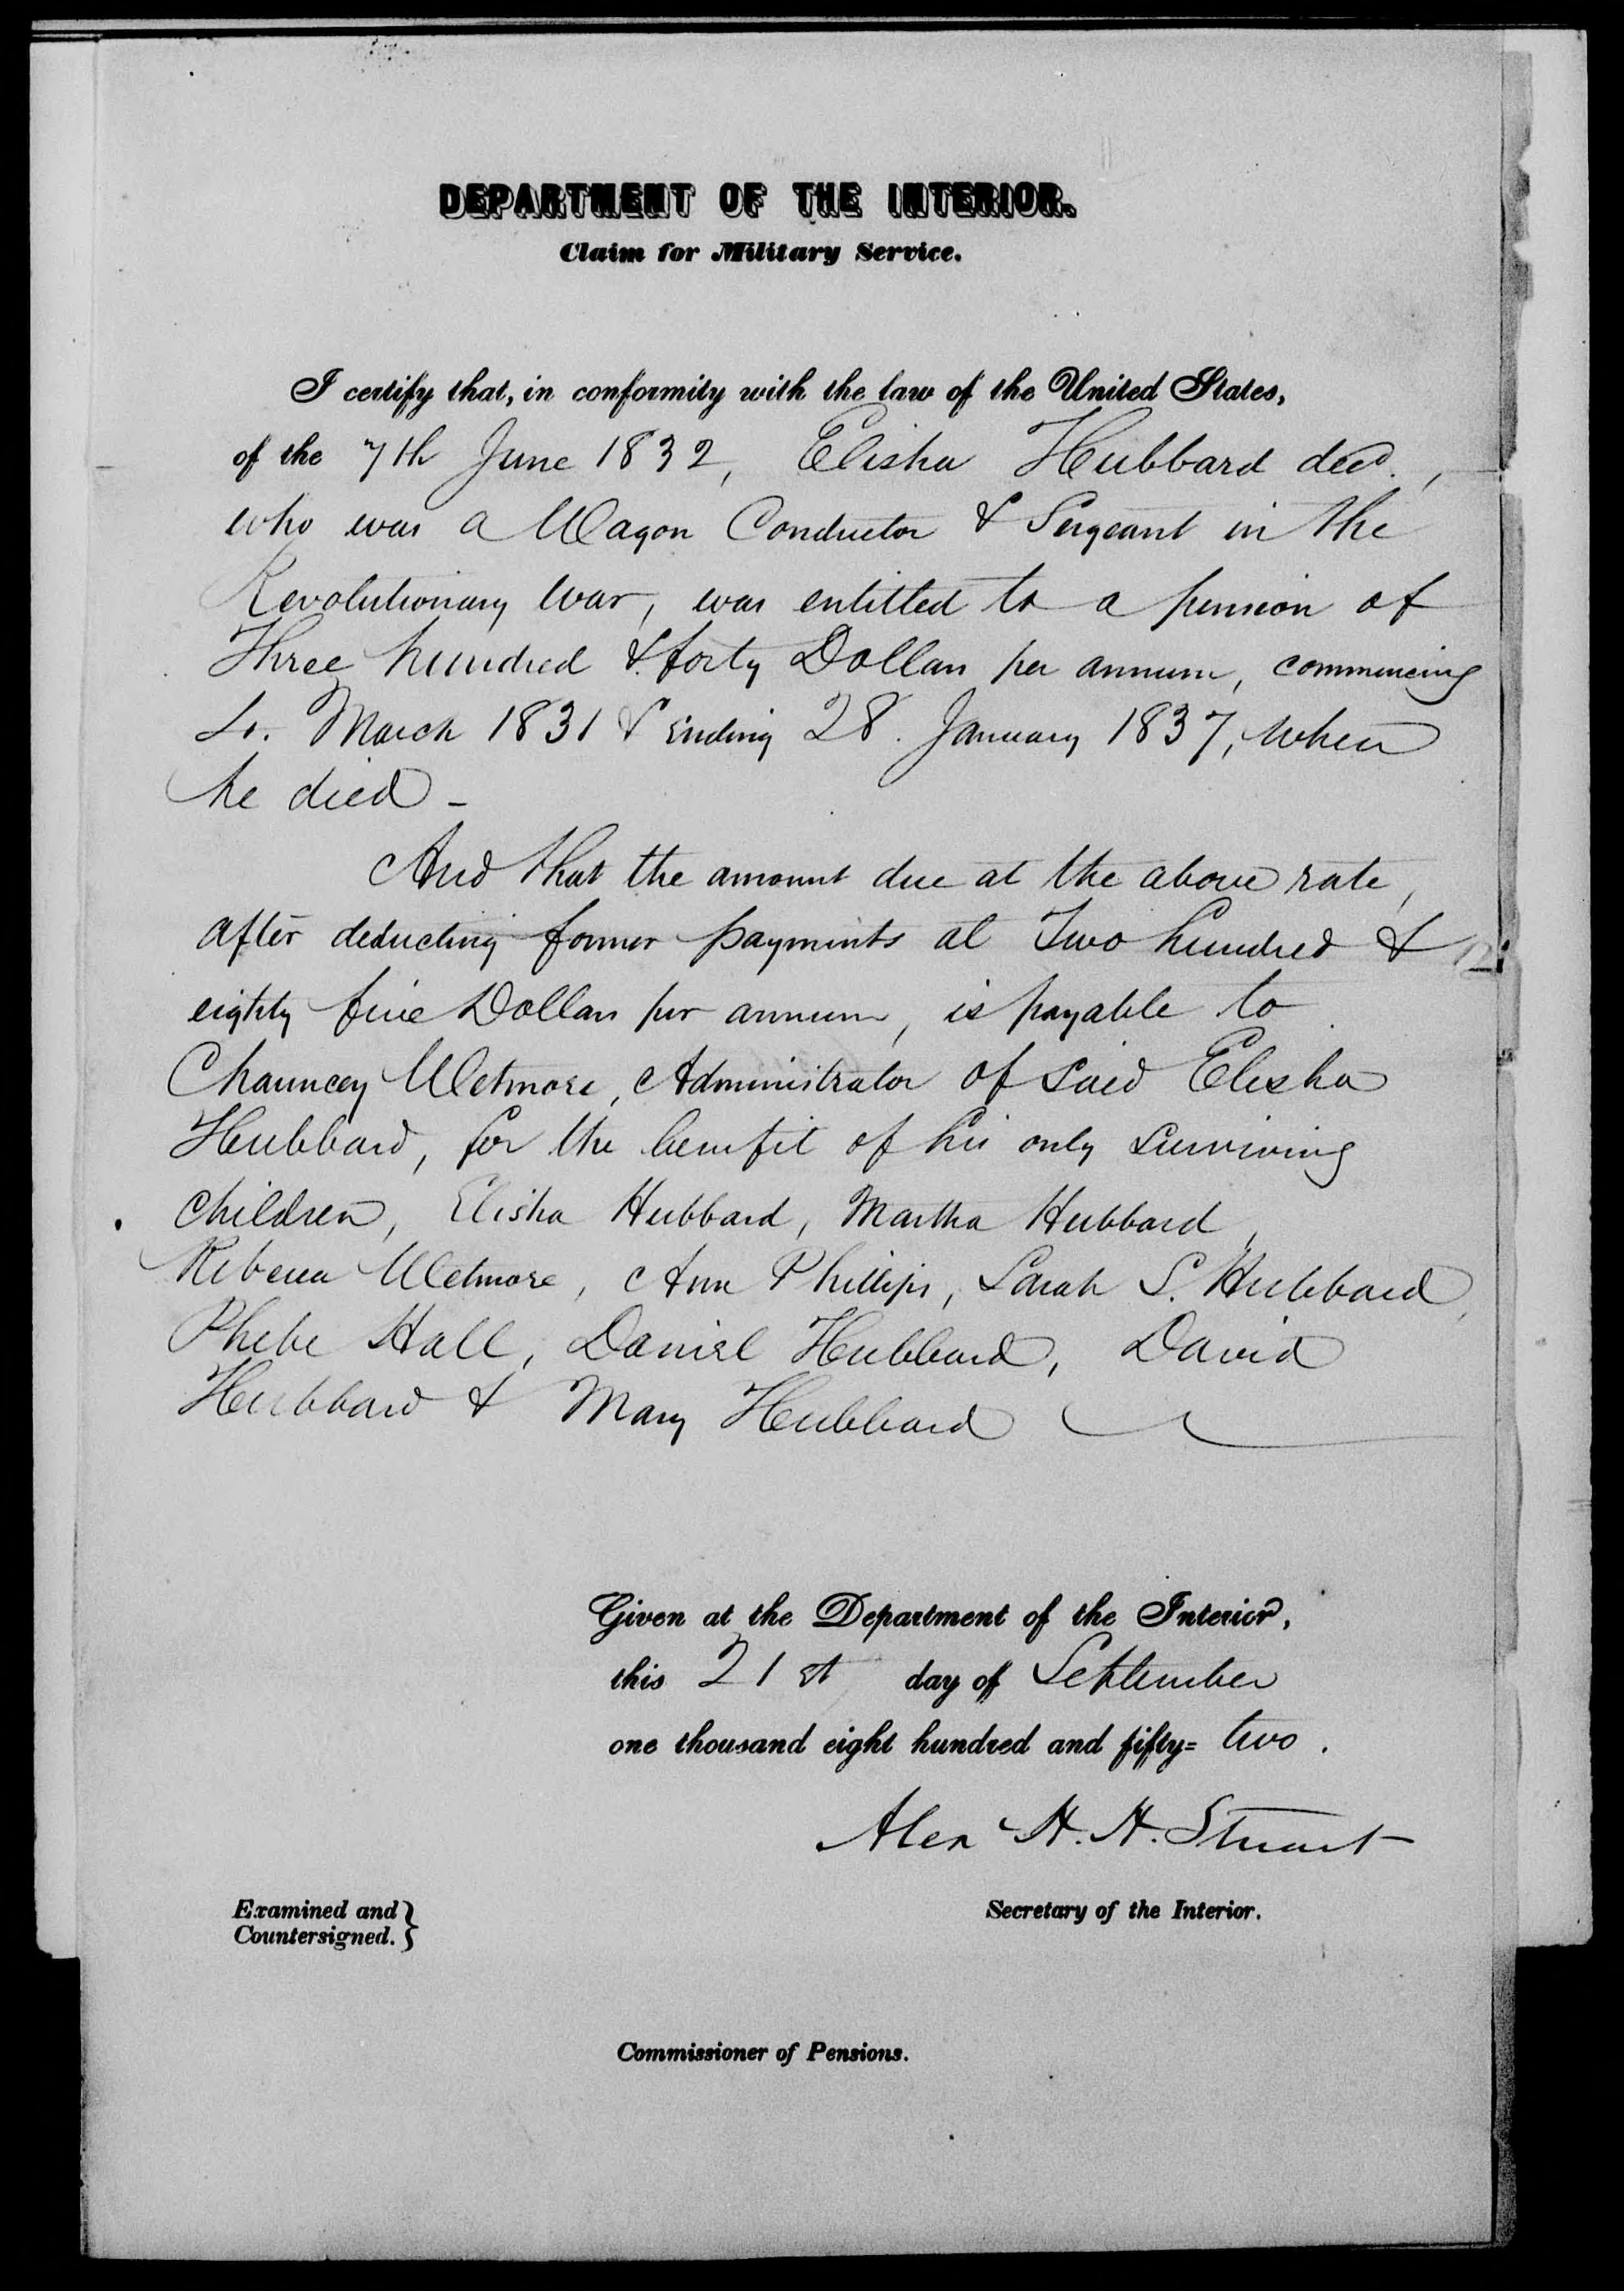DEPARTMENT OF THE INTERIOR.

Claim for Military Service.

I certify that, in conformity with the law of the United States, of the 7th June 1832, Elisha Hubbard decd, who was a Wagon Conductor & Sergeant in the Revolutionary War, was entitled to a pension of Three Hundred & forty Dollars per annum, commencing  (?)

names: Mary Hubbard, Ann Phillips, Martha Hubbard, Phebe Hall, Sarah S Hubbard, Rebecca Wetmore, Alen H H Stuart, David Hubbard, Elisha Hubbard, Daniel Hubbard, Chauncey Wetmore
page: 60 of 63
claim: survivor's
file: S. 18457, Elisha Hubbard, Conn. Continental